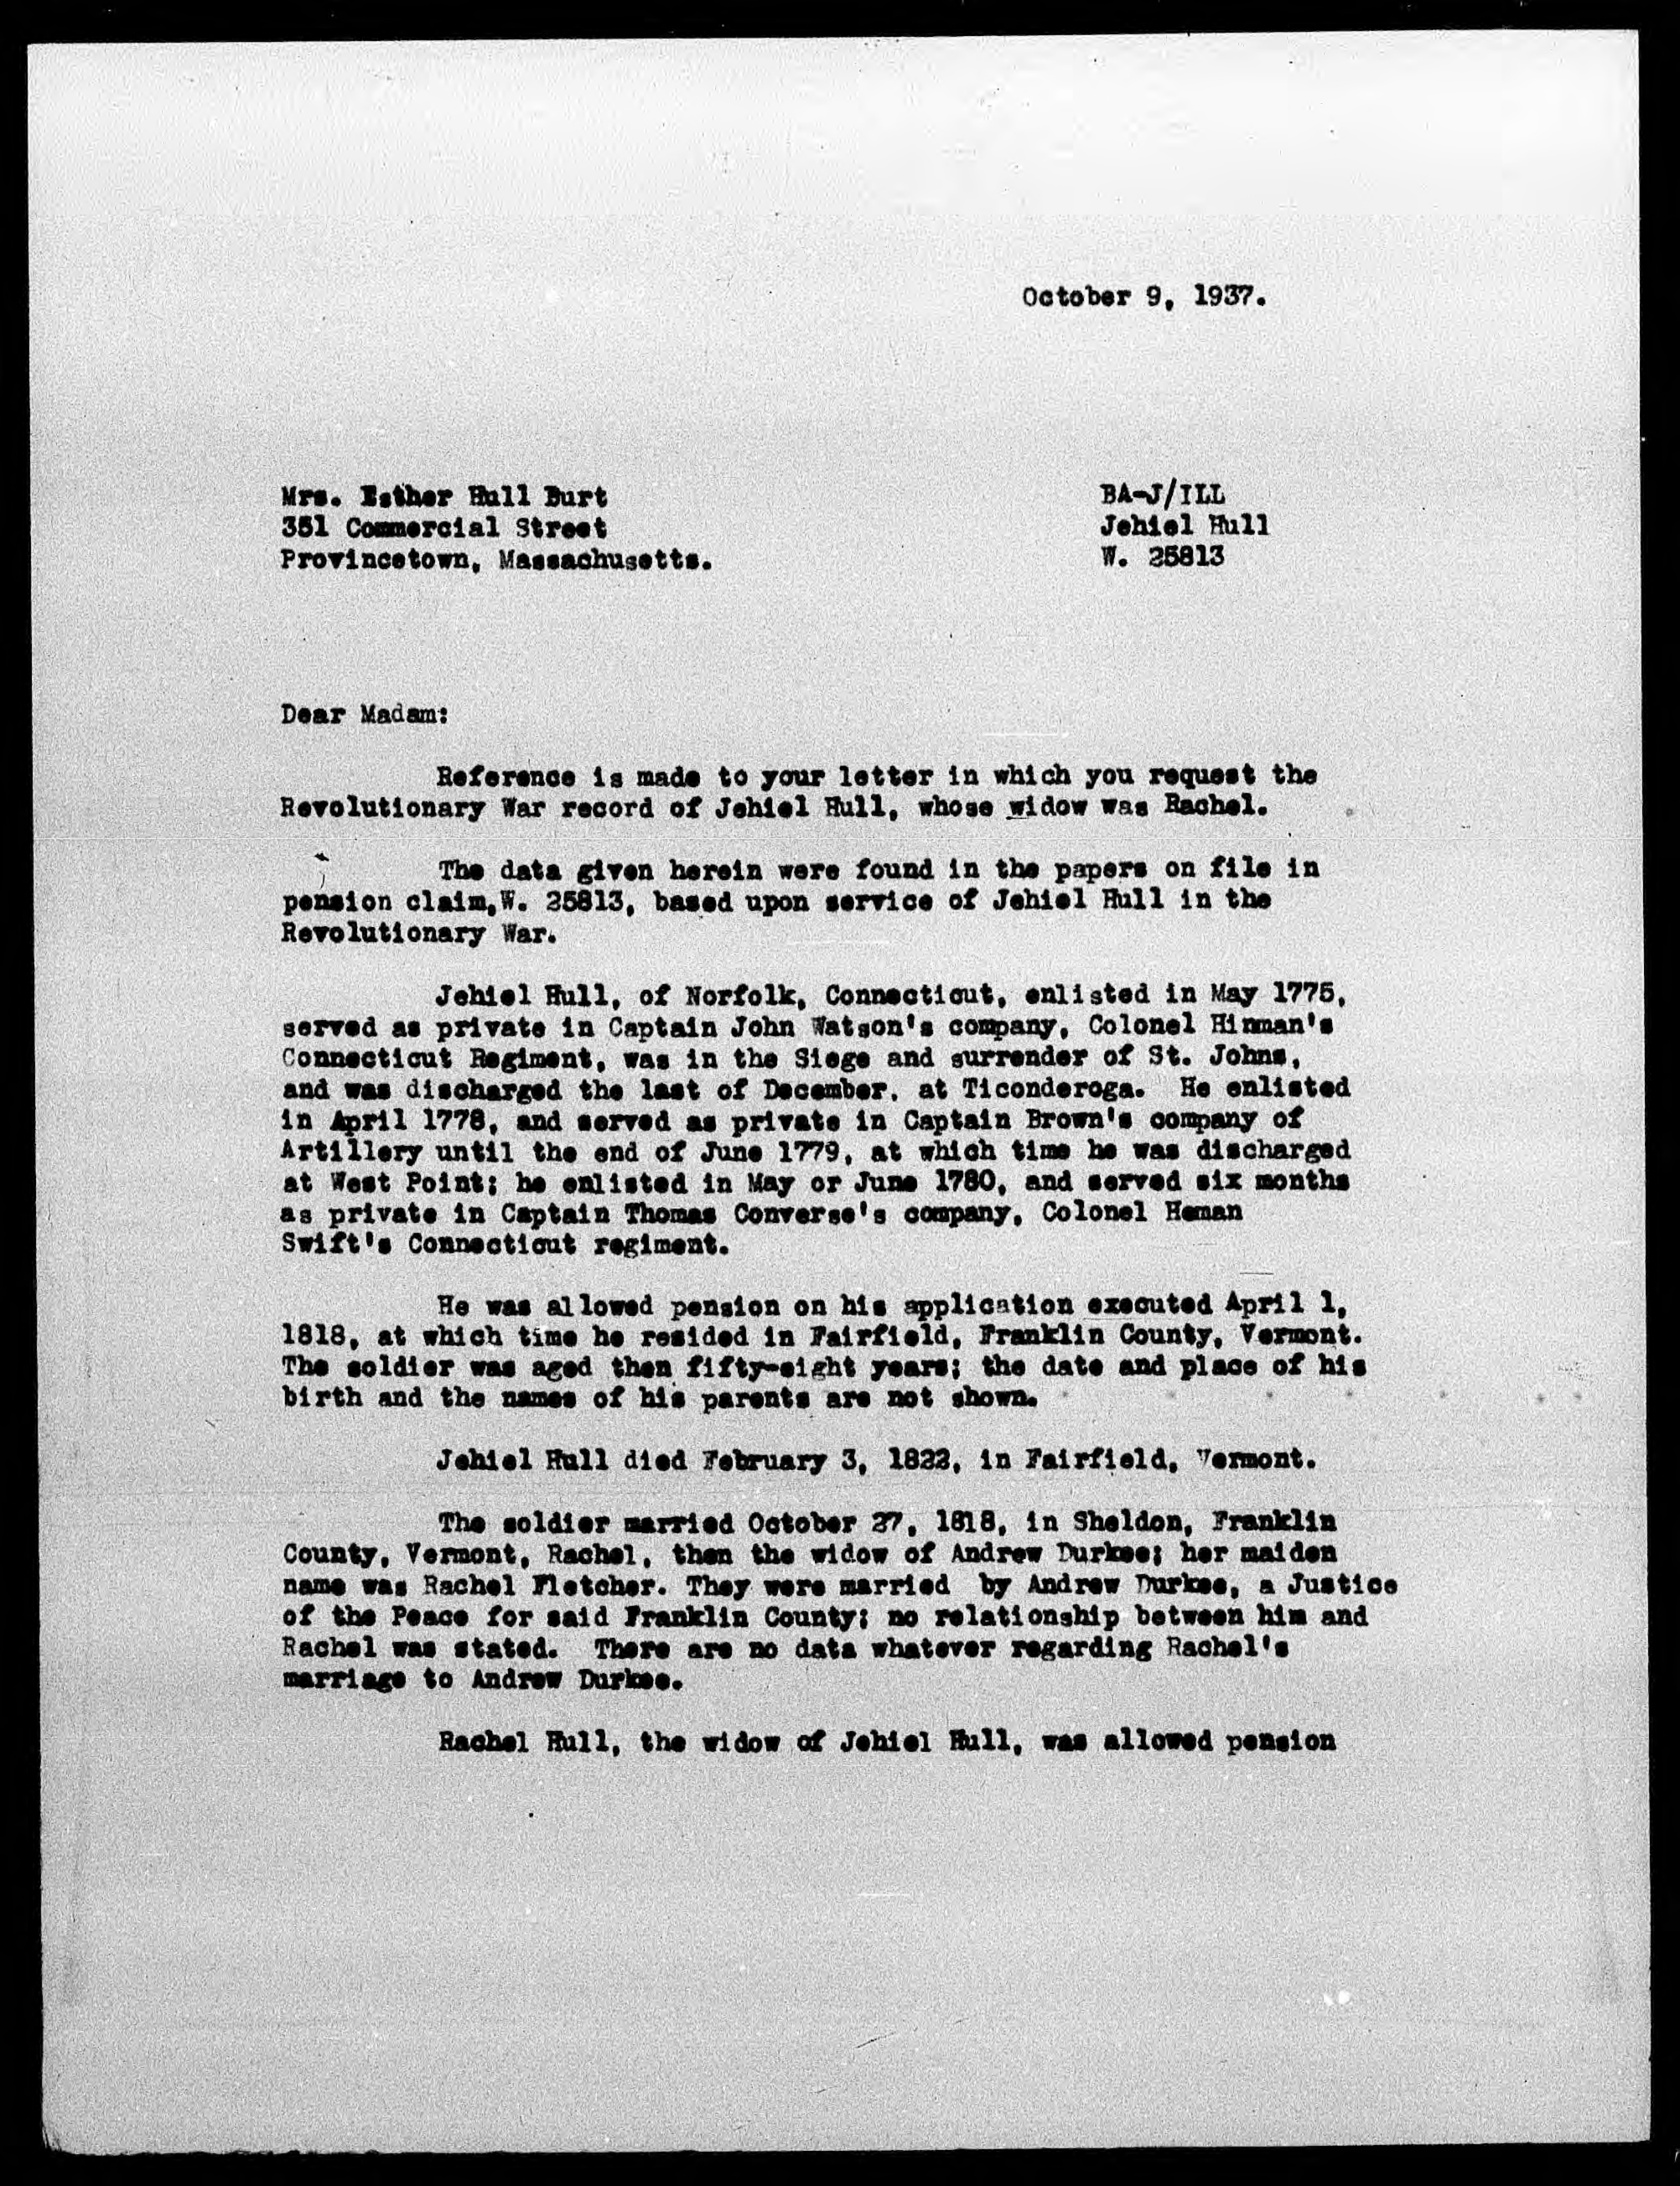[typewritten letter]

October 9, 1937.

Mrs. Esther Hull Burt
351 Commercial Street
Provincetown, Massachusetts.

BA-J/ILL
Jehiel Hull
W. 25813

Dear Madam:

Reference is made to your letter in which you request the Revolutionary War record of Jehiel Hull, whose widow was Rachel.

The data given herein were found in the papers on file in pension claim, W. 25813, based upon service of Jehiel Hull in the Revolutionary War.

Jehiel Hull, of Norfolk, Connecticut, enlisted in May 1775, served as private in Captain John Watson's company, Colonel Hinman's Connecticut Regiment, was in the Siege and surrender of St. Johns, and was discharged the last of December, at Ticonderoga. He enlisted in April 1778, and served as private in Captain Brown's company of Artillery until the end of June 1779, at which time he was discharged at West Point; he enlisted in May or June 1780, and served six months as private in Captain Converse's company, Colonel Herman Swift's Connecticut regiment.

He was allowed pension on his application executed April 1, 1818, at which time he resided in Fairfield, Franklin County, Vermont. The soldier was aged then fifty-eight years; the date and place of his birth and the names of his parents are not shown.

Jehiel Hull died February 3, 1822, in Fairfield, Vermont.

The soldier married October 27, 1818, in Sheldon, Franklin County, Vermont, Rachel, then the widow of Andrew Durkee; her maiden name was Rachel Fletcher. They were married by Andrew Durkee, a Justice of the Peace for said Franklin County; no relationship between him and Rachel was stated. There are no data whatever regarding Rachel's marriage to Andrew Durkee.

Rachel Hull, the widow of Jehiel Hull, was allowed pension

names: Esther Hull Burt, Andrew Durkee, Rachel Hull, Rachel Fletcher, Jehiel Hull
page: 21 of 58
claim: widow's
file: W. 25813, Jehiel Hull, Conn.